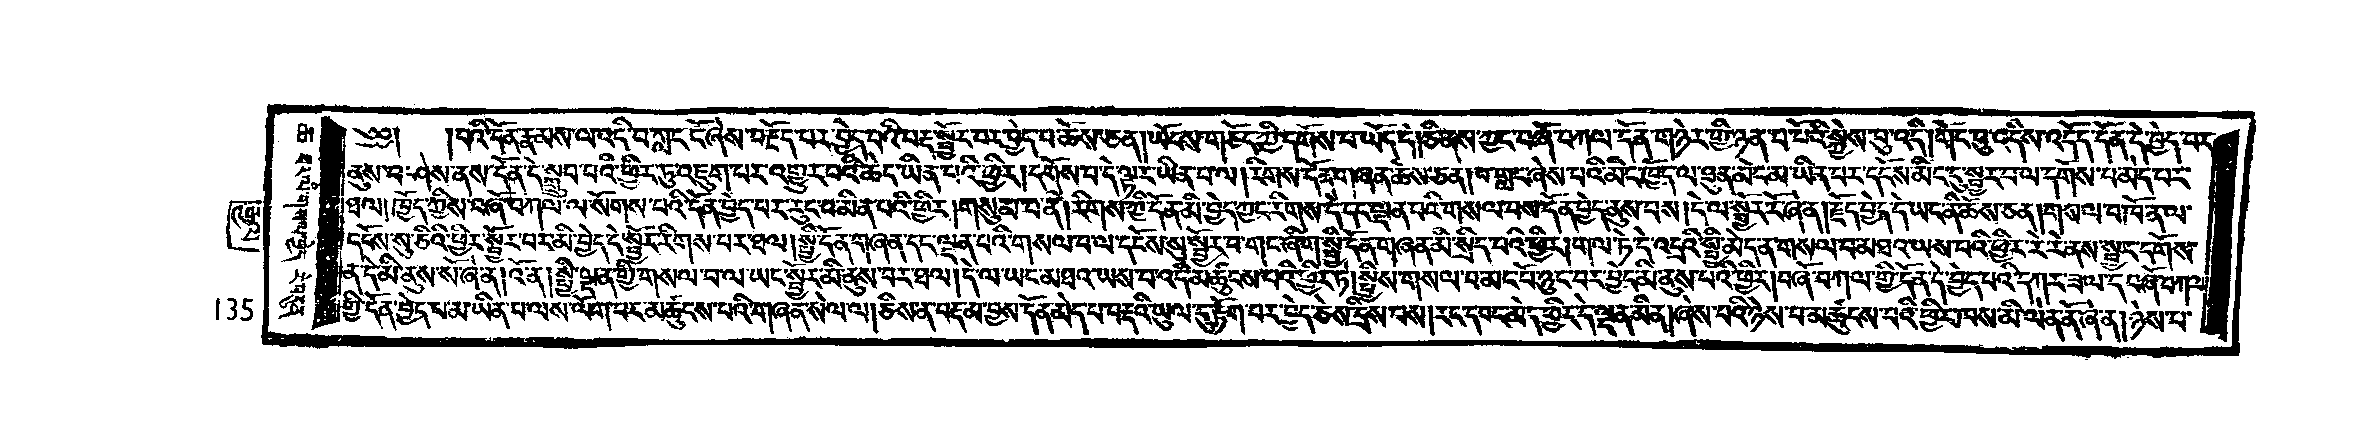༄༅། །པའི་དོན་རྣམས་ལ་འདི་བ་གླང་བོ་ཞེས་བརྗོད་པར་བྱེད་པའི་བརྡ་སྦྱོར་བར་བྱེད་པ་ཆོས་ཅན། ཡོངས་གཅོད་ཀྱི་དགོས་པ་ཡོད་དེ། ཅི་ནས་ཀྱང་བཞོ་བཀལ་དོན་གཉེར་གྱི་ཉན་པ་པོའི་སྐྱེས་བུ་འདི། གོང་བུ་འདིས་འདོད་དོན་དེ་བྱེད་པར་
ནུས་པ་ཤས་ནས་དོན་དེ་སྒྲུབ་པའི་ཕྱིར་ཏུ་འཇུག་པར་འགྱུར་བའི་ཆེད་ཡིན་པའི་ཕྱིར། དགོས་པ་དེ་ལྟར་ཡིན་པ་ལ། རིགས་དོན་གཞན་ཆོས་ཅན། བ་གླང་ཞེས་པའི་མིང་ཁྱོད་ལ་ཐུན་མོང་མ་ཡིན་པར་དངོས་མིང་དུ་སྦྱར་བ་ལ་དགོས་པ་མེད་པར་
ཐལ། ཁྱོད་ཀྱིས་བཞོ་བཀལ་ལ་སོགས་པའི་དོན་བྱེད་པར་རུང་བ་མིན་པའི་ཕྱིར། གསུམ་པ་ནི། རིགས་ཀྱི་དོན་མི་བྱེད་ཀྱང་རིགས་དེ་དང་ལྡན་པའི་གསལ་བས་དོན་བྱེད་ནུས་པས། དེ་ལ་སྦྱོར་རོ་ཞེ་ན། རྗོད་བྱེད་དེ་ཡང་ནི་ཆོས་ཅན། གསལ་བ་ཁོ་ན་ལ་
དངོས་སུ་ཅིའི་ཕྱིར་སྦྱོར་བར་མི་བྱེད་དེ་སྦྱོར་རིགས་པར་ཐལ། སྤྱི་དོན་གཞན་དང་ལྡན་པའི་གསལ་བ་ལ་དངོས་སུ་སྦྱོར་བ་གང་ཞིག་སྤྱི་དོན་གཞན་མི་སྲིད་པའི་ཕྱིར། གལ་ཏེ་དེ་འདྲའི་སྤྱི་མེད་ན་གསལ་བ་མཐའ་ཡས་པའི་ཕྱིར་རེ་རེ་ནས་སྦྱར་དགོས་
ན་དེ་མི་ནུས་སོ་ཞེ་ན། འོ་ན། སྤྱི་ལྡན་གྱི་གསལ་བ་ལ་ཡང་སྦྱོར་མི་ནུས་པར་ཐལ། དེ་ལ་ཡང་མཐའ་ཡས་པ་འདི་མཚུངས་པའི་ཕྱིར་ཏེ། སྤྱིས་གསལ་བ་མང་པོ་ཉུང་བར་བྱེད་མི་ནུས་པའི་ཕྱིར། བཞོ་བཀལ་གྱི་དོན་དེ་བྱེད་པའི་དཀར་ཟལ་དོ་བཞོ་བཀལ་
གྱི་དོན་བྱེད་པ་མ་ཡིན་པ་ལས་ལོག་པར་མཚུངས་པའི་གཞན་སེལ་ལ། ཅིས་ན་བརྡ་མ་བྱས་དོན་མེད་པ་བརྡའི་ཡུལ་དུ་རྟོག་པར་བྱེད་ཅེས་དྲིས་པས། རང་དབང་མེད་ཕྱིར་དེ་ལྡན་མིན། ཞེས་པའི་ཉེས་པ་མཚུངས་པའི་ཕྱིར་ཁས་མི་ལེན་ནོ་ཞེ་ན། ཉེས་པ་